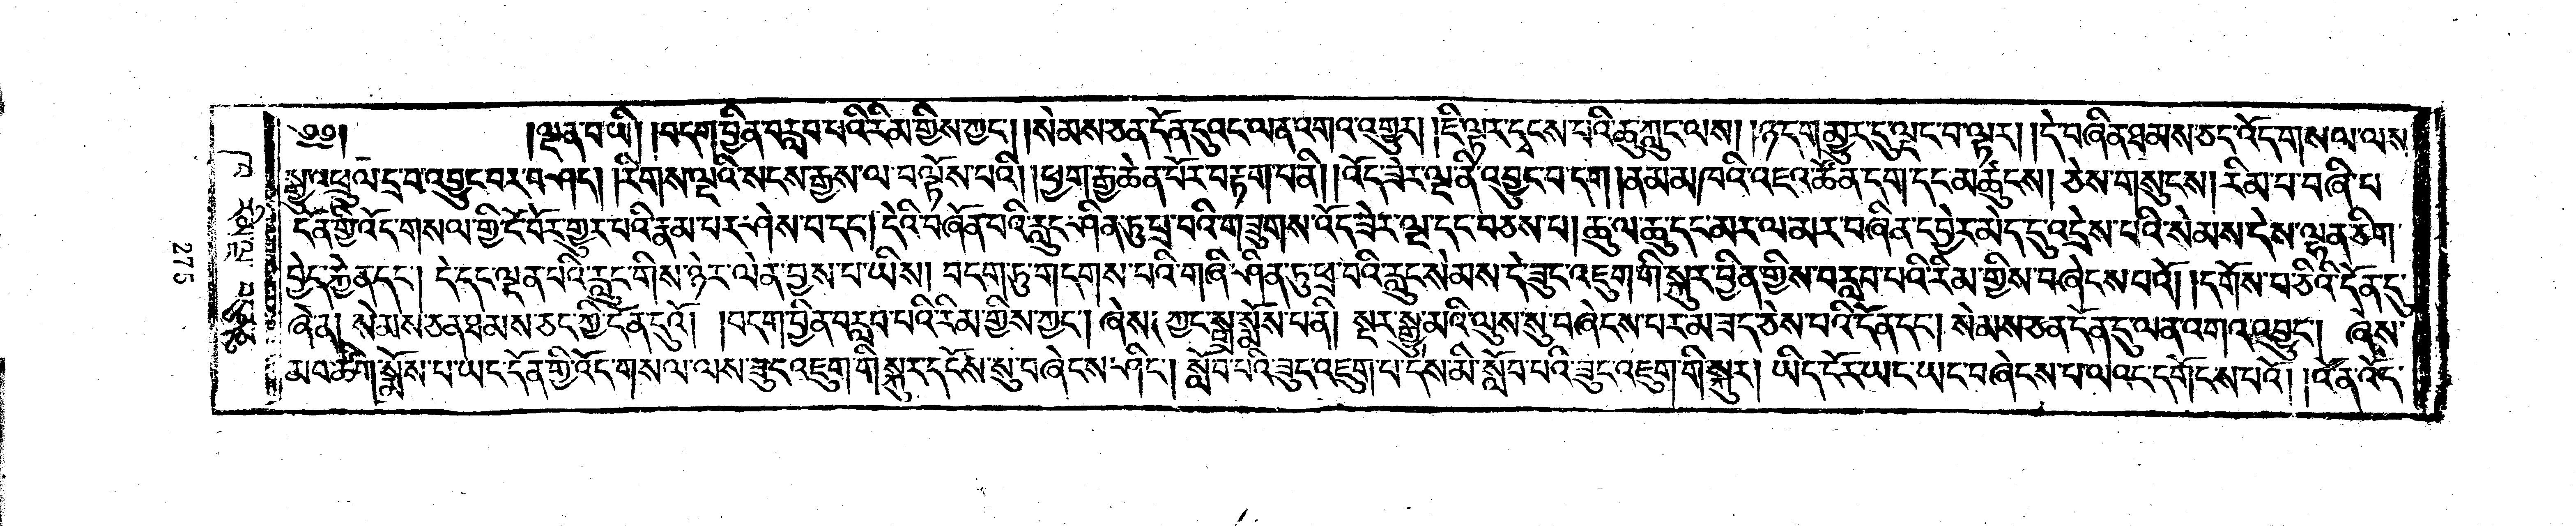༄༅། །ལྡན་པ་ཡི། །བདག་བྱིན་བརླབ་པའི་རིམ་གྱིས་ཀྱང་། །སེམས་ཅན་དོན་དུའང་ལན་འགའ་འགྱུར། །ཇི་ལྟར་དྭངས་པའི་ཆུ་ཀླུང་ལས། །ཉ་དག་མྱུར་དུ་ལྡང་བ་ལྟར། །དེ་བཞིན་ཐམས་ཅད་འོད་གསལ་ལས།
སྒྱུ་འཕྲུལ་དྲ་བ་འབྱུང་བར་བཤད། །རིགས་ལྔའི་སངས་རྒྱས་ལ་བལྟོས་པའི། །ཕྱག་རྒྱ་ཆེན་པོར་བརྟག་པ་ནི། །འོད་ཟེར་ལྔ་ནི་འབྱུང་བ་དག །ནམ་མཁའི་འཇའ་ཚོན་དག་དང་མཚུངས། ཅེས་གསུངས། རིམ་པ་བཞི་པ་
དོན་གྱི་འོད་གསལ་གྱི་ངོ་བོར་གྱུར་བའི་རྣམ་པར་ཤེས་པ་དང་། དེའི་བཞོན་པའི་རླུང་ཤིན་ཏུ་ཕྲ་བའི་གཟུགས་འོད་ཟེར་ལྔ་དང་བཅས་པ། ཆུ་ལ་ཆུ་དང་མར་ལ་མར་བཞིན་དབྱེར་མེད་དུ་འདྲེས་པའི་སེམས་དེས་ལྷན་ཅིག་
བྱེད་རྐྱེན་དང་། དེ་དང་ལྡན་པའི་རླུང་གིས་ཉེར་ལེན་བྱས་པ་ཡིས། བདག་ཏུ་གདགས་པའི་གཞི་ཤིན་ཏུ་ཕྲ་བའི་རླུང་སེམས་དེ་ཟུང་འཇུག་གི་སྐུར་བྱིན་གྱིས་བརླབ་པའི་རིམ་གྱིས་བཞེངས་པའོ། །དགོས་པ་ཅིའི་དོན་དུ་
ཞེ་ན། སེམས་ཅན་ཐམས་ཅད་ཀྱི་དོན་དུའོ། །བདག་བྱིན་བརླབ་པའི་རིམ་གྱིས་ཀྱང་། ཞེས༑ ཀྱང་སྒྲ་སྨོས་པ་ནི། སྔར་སྒྱུ་མའི་ལུས་སུ་བཞེངས་པར་མ་ཟད་ཅེས་པའི་དོན་དང་། སེམས་ཅན་དོན་དུ་ལན་འགའ་འབྱུང་། ཞེས་
མང་ཚིག་སྨོས་པ་ཡང་དོན་གྱི་འོད་གསལ་ལས་ཟུང་འཇུག་གི་སྐུར་དངོས་སུ་བཞེངས་ཤིང་། སློབ་པའི་ཟུང་འཇུག་པ་དེས་མི་སློབ་པའི་ཟུང་འཇུག་གི་སྐུར། ཡིད་ངོར་ཡང་ཡང་བཞེངས་པའི་ལའང་དགོངས་པའོ། །འོ་ན་འོད་